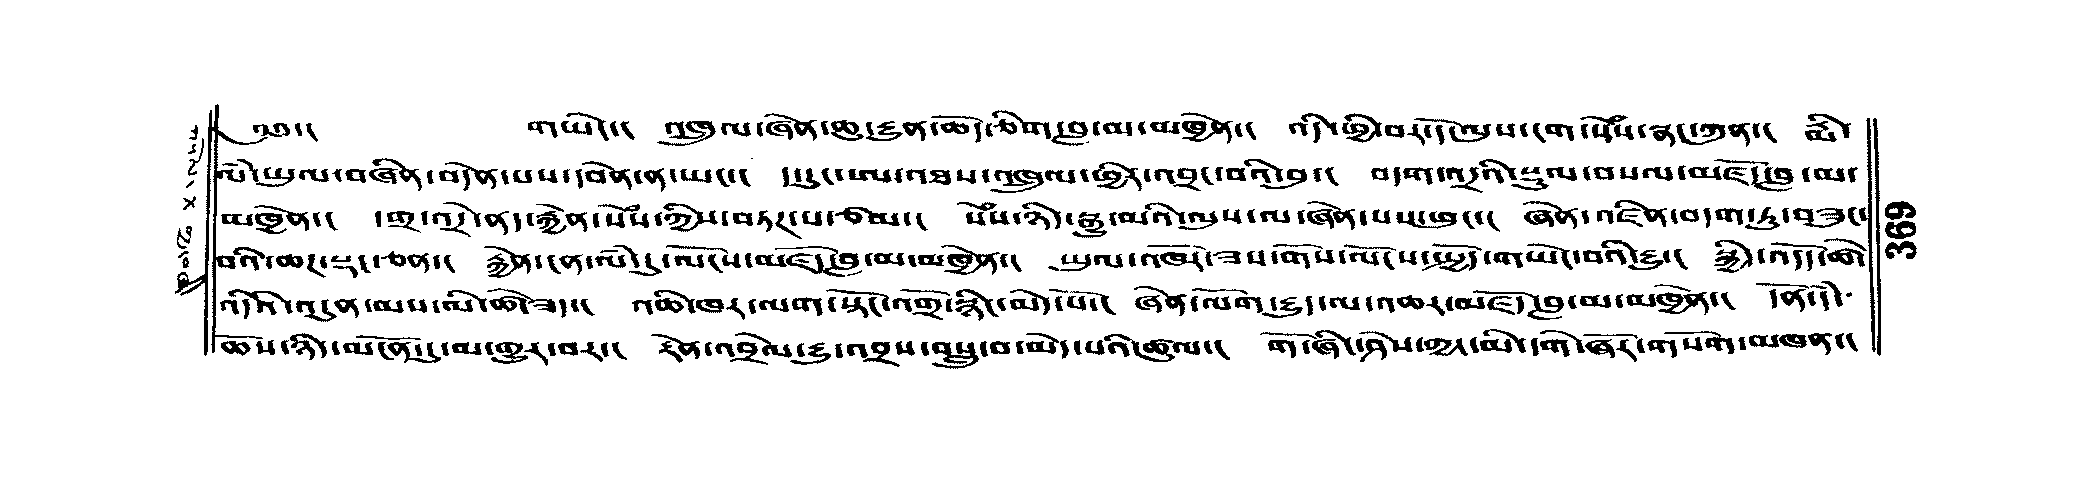གཡེང་། །འཁྲུལ་ཞེན་ཆུ་རྒྱུན་ཆོད་ཅིག་བླ་མ་མཁྱེན། །འདི་ཕྱི་བར་དོ་ལུས་ངག་སེམས་སྣང་ཀུན། །རྨི་
ལམ་ཡུལ་བཞིན་བདེན་པས་དབེན་ན་ཡང་། །ད་དུང་ཨ་འཐས་འཁྲུལ་ཕྱིར་འབྲང་བའི་བུ། །བདག་འདྲའི་སྡུག་བསྔལ་བསལ་མཛོད་བླ་མ་
མཁྱེན། །དགྲ་འདྲེ་ནད་རྐྱེན་སེམས་ཀྱིས་བཏགས་པ་ཙམ། །སེམས་ཉིད་སྒྱུ་མའི་ལུས་ལ་ཞེན་པས་ཕུང་། །ཞེན་འཛིན་བདག་ཏུ་བཟུང་
བའི་ཆགས་སྡང་ཅན། །རྐྱེན་ངན་ལམ་དུ་ལོངས་མཛོད་བླ་མ་མཁྱེན། །ཡུལ་འཁོར་ཟས་གོས་ལོངས་སྤྱོད་གཡེང་བའི་རྒྱུ། །སྐྱིད་འདོད་ཚེ་
འདིའི་འདུན་མས་མི་ཚེ་ཟད། །འཆི་ཁར་ལག་སྟོང་འགྲོ་བའི་སྙིང་མེད་པོ། །ཞེན་ལོག་རྒྱུད་ལ་འཆར་མཛོད་བླ་མ་མཁྱེན། །དོན་དམ་
ཆོས་ཉིད་མངོན་དུ་མ་གྱུར་བར། །རྟེན་འབྲེལ་རྒྱུ་འབྲས་བསླུ་བ་མེད་པའི་ཚུལ། །གོ་ཞིང་ཤེས་ཀྱང་མི་དགེ་ཞོར་གསོག་མཁན།